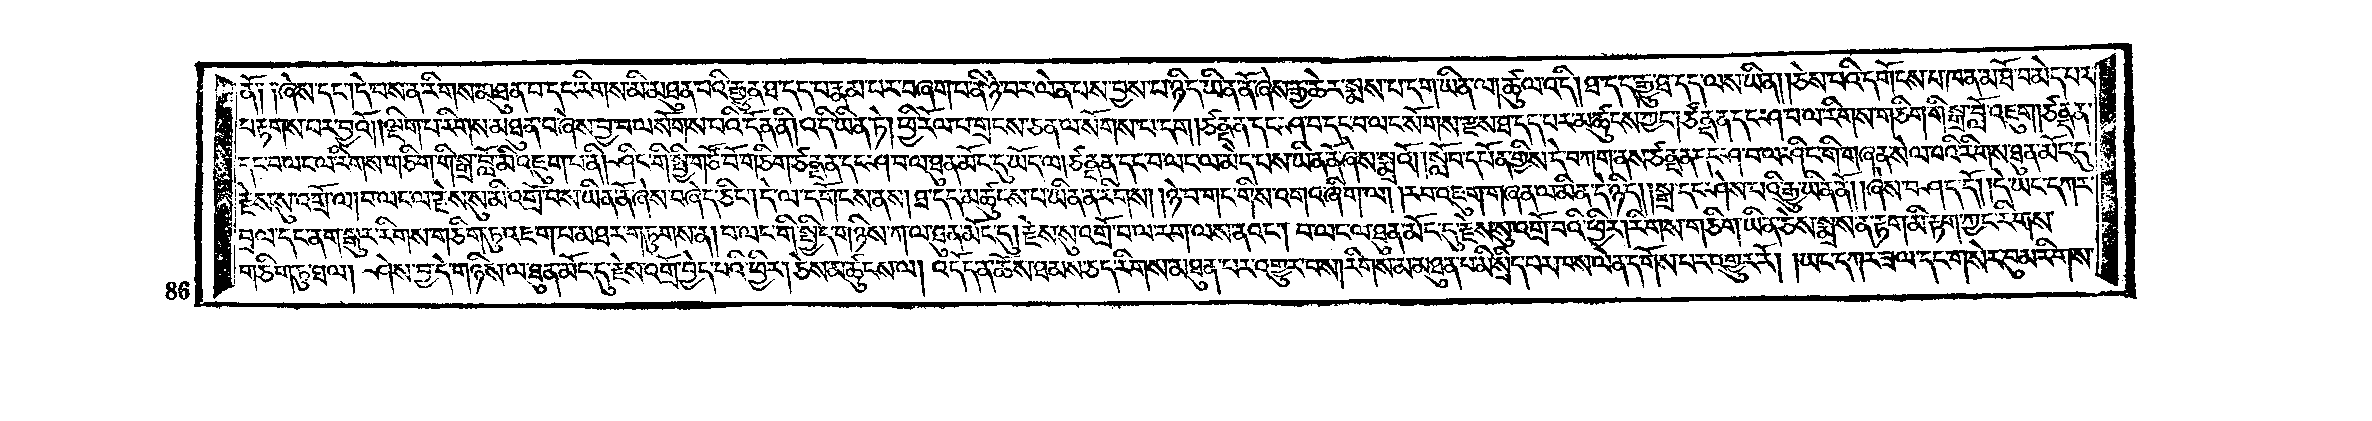ནོ༑ ༑ཞེས་དང་། དེ་བས་ན་རིགས་མཐུན་པ་དང་རིགས་མི་མཐུན་པའི་རྒྱུན་ཐ་དད་པ་རྣམ་པར་བཞག་པ་ནི་ཉེ་བར་ལེན་པས་བྱས་པ་ཉིད་ཡིན་ནོ་ཞེས་རྒྱ་ཆེར་སྨས་པ་དག་ཡིན་ལ། ཚུལ་འདི། ཐ་དད་རྒྱུ་ཐ་དད་ལས་ཡིན། །ཅེས་པའི་དགོངས་པ་ཁ་ན་མ་ཐོ་བ་མེད་པར་
བརྟགས་པར་བྱའོ། །ལྡིག་པ་རིགས་མཐུན་པ་ཞེས་བྱ་བ་ལ་སོགས་པའི་དོན་ནི། འདི་ཡིན་ཏེ། ཕྱི་རོལ་པ་གྲངས་ཅན་ལ་སོགས་པ་དག །ཙནྡན་དང་ཤ་བ་དང་བ་ལང་སོགས་རྫས་ཐ་དད་པར་མཚུངས་ཀྱང་། ཙནྡན་དང་ཤ་བ་ལ་རིགས་གཅིག་གི་སྒྲ་བློ་འཇུག །ཙནྡན་
དང་བ་ལང་ལ་རིགས་གཅིག་གི་སྒྲ་བློ་མི་འཇུག་པ་ནི། ཤིང་གི་སྤྱི་གཙོ་བོ་གཅིག་ཙནྡན་དང་ཤ་བ་ལ་ཐུན་མོང་དུ་ཡོད་ལ། ཙནྡན་དང་བ་ལང་ལ་མེད་པས་ཡིན་ནོ་ཞེས་སྨྲའོ། །སློབ་དཔོན་གྱིས་དེ་བཀག་ནས་ཙནྡན་དང་ཤ་བ་ལ་ཤིང་གི་གཞན་སེལ་བའི་རིགས་ཐུན་མོང་དུ་
རྗེས་སུ་འགྲོ་ལ། བ་ལང་ལ་རྗེས་སུ་མི་འགྲོ་བས་ཡིན་ནོ་ཞེས་བཞེད་ཅིང་། དེ་ལ་དགོངས་ནས། ཐ་དད་མཚུངས་པ་ཡིན་ན་རིགས། །ཉེ་བ་གང་གིས་འགའ་ཞིག་ལ། །རབ་འཇུག་གཞན་ལ་མིན་དེ་ཉིད། །སྒྲ་དང་ཤེས་པའི་རྒྱུ་ཡིན་ནོ། །ཞེས་བཤད་དོ། །དེ་ཡང་དཀར་
བྲལ་དང་ནག་སྒུར་རིགས་གཅིག་ཏུ་འཇག་པ་མཐར་གཏུགས་ན། བ་ལང་གི་སྤྱིད་གཉིས་ཀ་ལ་ཐུན་མོང་དུ། རྗེས་སུ་འགྲོ་བ་ལ་རག་ལས་ནའང་། བ་ལང་ལ་ཐུན་མོང་དུ་རྗེས་སུ་འགྲོ་བའི་ཕྱིར། རིགས་གཅིག་ཡིན་ཅེས་སྨྲས་ན་རྟག་མི་རྟག་ཀྱང་རིགས་
གཅིག་ཏུ་ཐལ། ཤེས་བྱ་དེ་གཉིས་ལ་ཐུན་མོང་དུ་རྗེས་འགྲོ་བྱེད་པའི་ཕྱིར། ཅེས་མཚུངས་ལ། འདོད་ན་ཆོས་ཐམས་ཅད་རིགས་མཐུན་པར་འགྱུར་བས། རིགས་མི་མཐུན་པ་མི་སྲིད་པར་ཁས་ལེན་དགོས་པར་འགྱུར་རོ། །ཡང་དཀར་ཟལ་དང་གསེར་བུམ་རིགས་